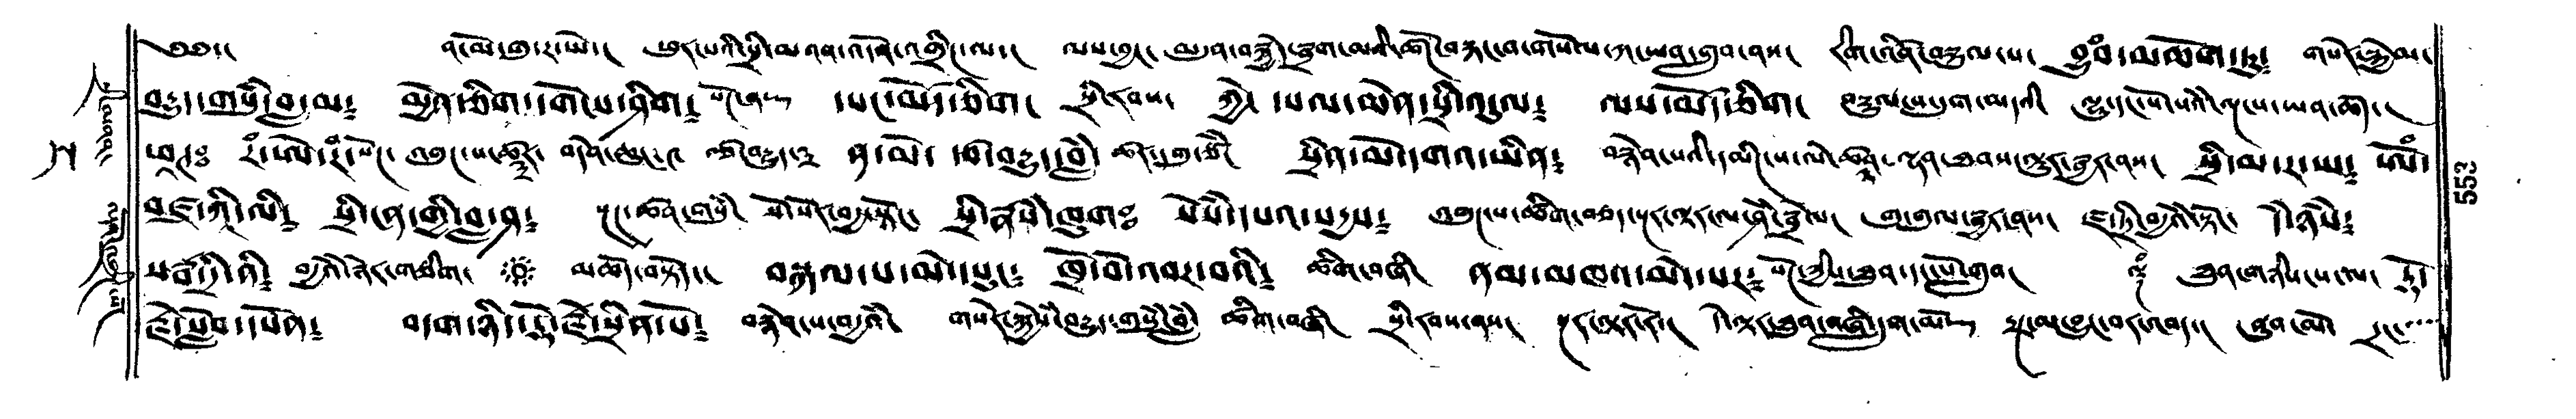ན་མོ་གུ་ར་ཡེ། ཕུར་པའི་སྲི་མནན་འདོན་འགྲིགས་ལ། ལས་བྱང་། མདུན་བསྐྱེད་སྦྲགས་མའི་ཚོགས་བསྐང་བ་གསོལ་ཀ་ཡན་གྲུབ་ནས། རིག་འཛིན་བསྐུལ་པ། བྱང་ཆུབ་མཆོག་ཏུ༴ གསེར་སྐྱེམས། 
བརྒྱུད་གསུམ་བླ་མ༴ མཁྱེན་ཅིག་དགོངས་ཤིག༴ སོགས་ནས། དཔང་མཛོད་ཅིག༔ སྲི་རབས ། ཀྱེ༔ དཔལ་ཆེན་སྲི་འདུལ༴ ལས་མཛོད་ཅིག༔ བསྐུལ་པ་དུག་མདའི། ལྷུ་དང་པོའམ་ལྔ་པ་ཡན་ཆོད། 
ཕཊཿ རཾ་ཨེ་རཾ༴ སོགས། འགུགས་པ་ཚར་གསུམ། བདེན་ཆུང་གསུམ། རྩ་བརྒྱུད་གསུམ། ན་མོ། རྩ་བརྒྱུད་བླ་མ༴ ཚར་དགུ་ཙམ། སྲིན་མོ་དགའ་ཡིན༴ བསྙེན་པའི་དམིགས་པ་ལེ་ཚན་གསུམ། ལྷན་ཐབས་ལྟ་བུར་སྦྱར་ནས། སྲི་མ་ར་ཡ༴ ཨོཾ་
བཛྲ་ཀཱི་ལི༴ སྲིན་ངན་གྱི་བླ་ཤ༴ སྔགས་ཚན་གསུམ། སོ་སོར་བརྒྱ་སྟོང་། སྲི་རྣམས་ཁུགཿ སེམས་དཔའ་སངས་རྒྱས༴ འགུགས་པ་ཚིགས་བཅད་སྔར་ལྟར་གཤམ་སྦྲེལ། གུ་གུལ་སྦྱར་ནས། ཛ་ཏྲི་བརྒྱའམ་སྟོང་། དམ་ཉམས༴ 
སརྦ་དྲི་ནི༴ བརྒྱའམ་ཉེར་གཅིག མཆོད་བསྟོད། བསྐལ་པ་མེ་དཔུང༴ ཁྲོ་བོ་འབར་བའི༴ ཚིག་བཞི། ནམ་མཁའ་མེད་པར༴ སོགས་ཀྱི་ཐུན་དང་པོ་གྲུབ། ༈ ཐུན་གཉིས་པ་ལ། རྡོ་
རྗེ་སློབ་དཔོན༴ བདག་ཉིེད་རྡོ་རྗེ་སྲིན་པོ༴ བསྙེན་པ་བརྒྱའི། གསེར་སྐྱེམས་བརྒྱུད་གསུམ་བླ་མ། ཚིག་བཞི། སྲི་རབས་ནས།སྔར་ལྟར་རོ། དེ་ལྟར་ཐུན་བཞི་དྲུག་མོས། རྟགས་མ་བྱུང་བར་འབད། ནུབ་མོ། དྲང་